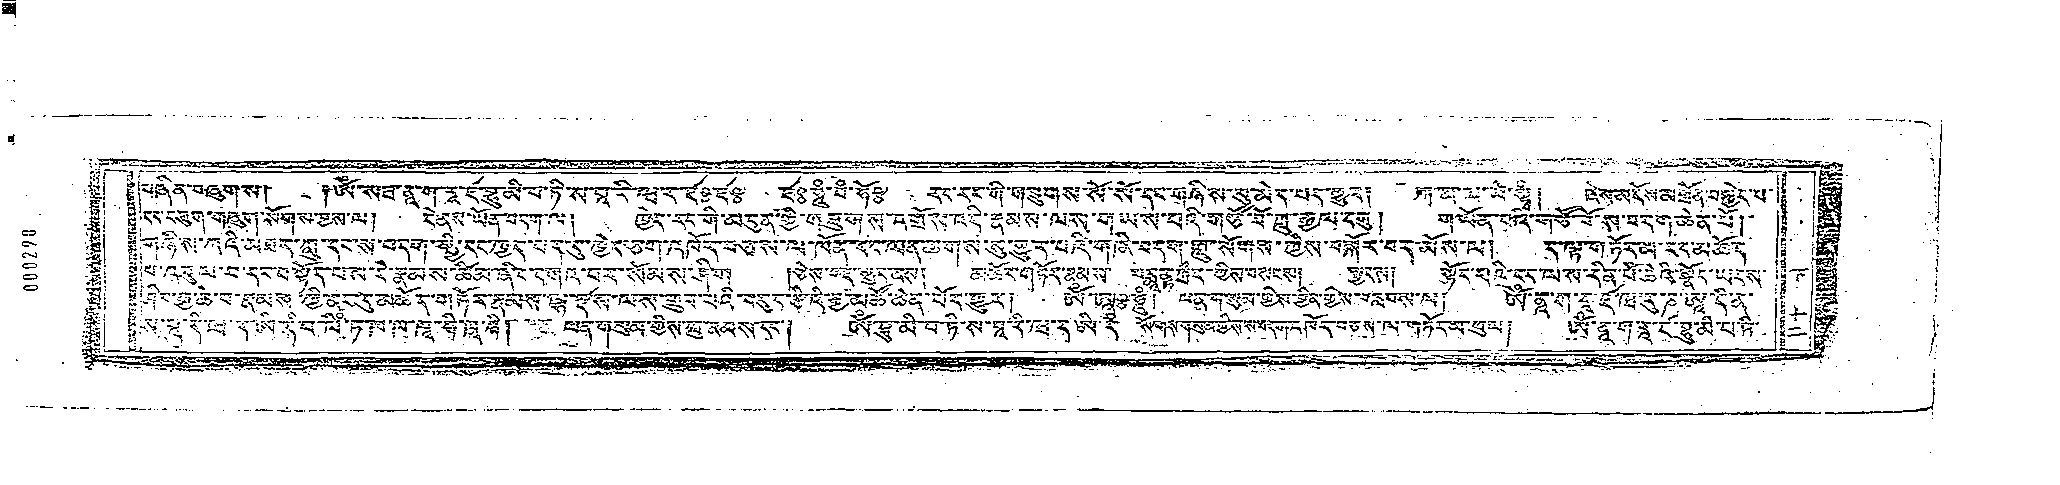བཞིན་བཞུགས། ཨོཾ་སརྦ་ནཱ་ག་རཱ་ཛ་བྷྲུ་མི་པ་ཏི་ས་པཱ་རི་ཝ་ར་ཛཿ་ཛཿ་ཛཿ་ཧཱུཾ་བཾ་ཧོཿ་རང་རང་གི་གཟུགས་སོ་སོ་དང་གཉིས་སུ་མེད་པར་གྱུར། ཀ་མ་ཡ་ཡེ་སྟྭཾ། ཞེས་མདོས་མགྲོན་བསྐྱེད་པ་
དང་དབུག་གཞུག་སོགས་བྱས་ལ། དེ་ནས་ཡོན་བདབ་ལ། ཁྱེད་རང་གི་མདུན་གྱི་གཟུགས་འགྲོས་འདི་རྣམས་ལས་གཡས་པའི་གཙོ་བོ་ཀླུ་རྒྱལ་དགུ། གཡོན་པའི་གཙོ་བོ་ས་བདག་ཆེན་པོ།
གཉིས་ཀའི་མཐར་ཀླུ་དང་ས་བདག་སྤྱི་དང་ཁྱད་པར་དུ་ཁྱེད་ཅག་འཁོར་བཅས་ལ་ཁོན་དང་ལན་ཆགས་སུ་གྱུར་བའི་གཞི་བདག་གླུ་སོགས་ཀྱིས་བསྐོར་པར་མོས་ལ། ད་ལྟ་གཏོར་མ་དང་མཆོད་
པ་འབྲུལ་བ་དང་བསྟོད་པས་དེ་རྣམས་ཚིམ་ཞིང་དགའ་བར་སོམས་ཤིག །ཅེས་བརྡ་སྤྲད་ནས། མཆོད་གཏོར་རྣམས་པདམ་ནྟ་ཀྲིད་ཀྱིས་བསངས། སྦྱངས། སྟོང་པའི་དང་ལས་རིན་པོ་ཆེའི་སྣོད་ཡངས་
ནིད་རྒྱ་ཆེ་བ་རྣམས་ཀྱི་ནང་དུ་མཆོད་གཏོར་རྣམས་ལྷ་རྫས་ལས་གྲུབ་པའི་བདུད་རྩིའི་རྒྱ་མཚོ་ཆེན་པོར་གྱུར། ཨོཾ་ཨཱཿ་ཧཱུཾ། ལན་གསུམ་གྱིས་བྱིན་གྱིས་བརླབས་ལ། ཨོཾ་ནཱ་ག་དཱ་ཛ་ཝ་རུ་ཎ་ཨཱ་དི་ན་
ས་པཱ་རི་ལྤ་ར་ཨི་དཾ་བ་ལིཾ་ཏ་ཁ་ཁ་ཁཱ་ཧི་ཁཱ་ཧི། ལན་གསུམ་གྱིས་ཀླུ་རྣམས་དང་། ཨོཾ་བྷུ་མི་པ་ཏི་ས་པཱ་རི་ཝ་ར་ཨི་དཾ་སོགས་གསུམ་གྱིས་ས་བདག་འཁོར་བཅས་ལ་གཏོར་མ་ཕུལ། ཨོཾ་ནཱ་ག་རཱ་ཛ་བླུ་མི་པ་ཏི་